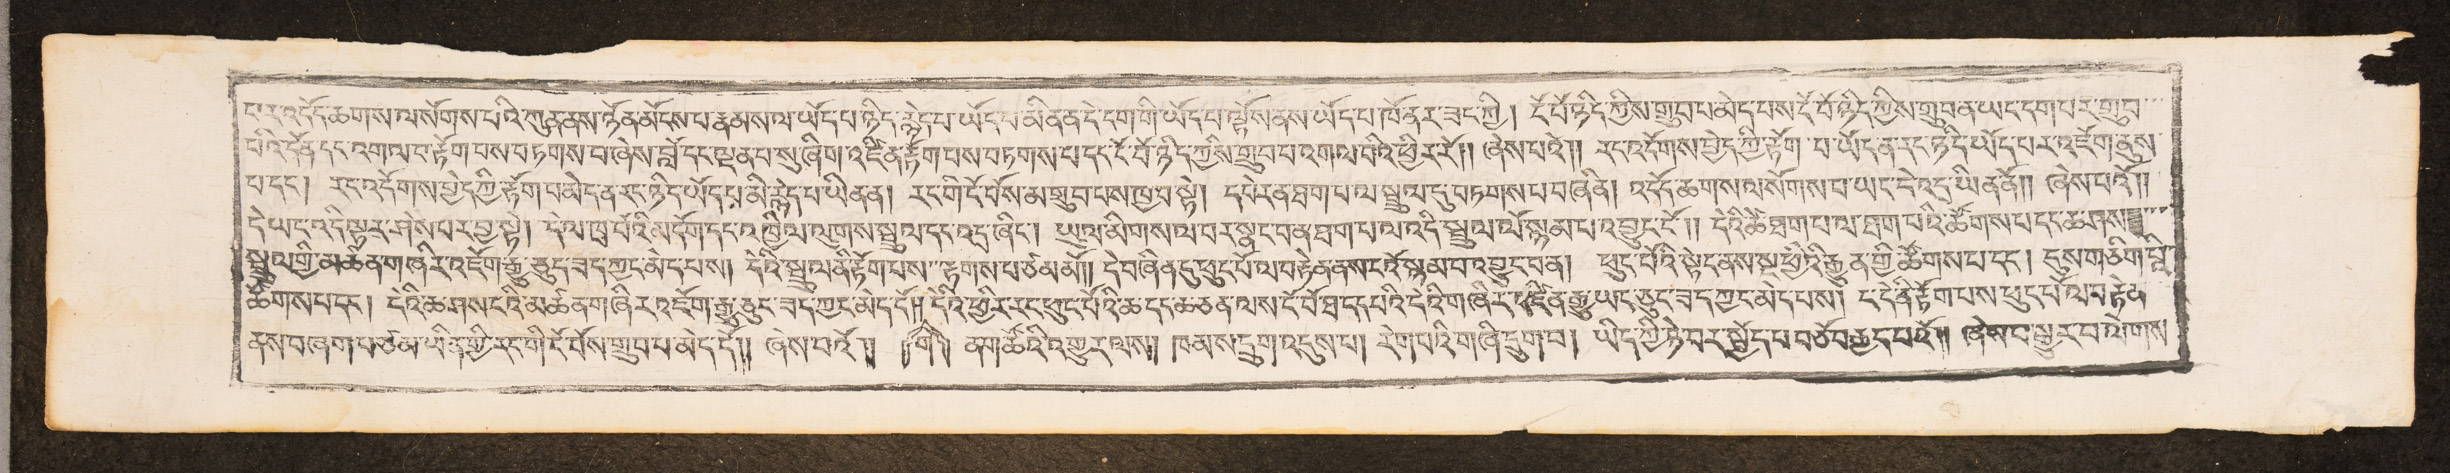པར་འདོད་ཆགས་ལ་སོགས་པའི་ཀུན་ནས་ཉོན་མོངས་པ་རྣམས་ལ་ཡོད་པ་ཉིད་རྙེད་པ་ཡོད་པ་མིན་ན་དེ་དག་གི་ཡོད་པ་ལྟོས་ནས་ཡོད་པ་ཁོ་ནར་ཟད་ཀྱི། ངོ་བོ་ཉིད་ཀྱིས་གྲུབ་པ་མེད་པས་ངོ་བོ་ཉིད་ཀྱིས་གྲུབ་ན་ཡང་དག་པར་གྲུབ་
པའི་དོན་དང་འགལ་བ་རྟོག་པས་བཏགས་པ་ཞེས་བློ་དང་ལྡན་པ་སུ་ཞིག་འཛིན་རྟོག་པས་བཏགས་ཨ་དང་ངོ་བོ་ཉིད་ཀྱིས་གྲུབ་པ་འགལ་བའི་ཕྱིར་རོ།། ཞེས་པའོ།། རང་འདོགས་བྱེད་ཀྱི་རྟོག་པ་ཡོད་ན་རང་ཉིད་ཡོད་པར་འཇོག་ནུས་
པ་དང་། རང་འདོགས་བྱེད་ཀྱི་རྟོག་པ་མེད་ན་རང་ཉིད་ཡོད་པ་མི་རྙེད་པ་ཡིན་ན། རང་གི་ངོ་བོས་མ་གྲུབ་པས་ཁྱབ་སྟེ། དཔེར་ན་ཐག་པ་ལ་སྦྲུལ་དུ་བཏགས་པ་བཞིན། འདོད་ཆགས་ལ་སོགས་པ་ཡང་དེ་འདྲ་ཡིན་ནོ། །ཞེས་པའོ།།
དེ་ཡང་འདི་ལྟར་ཤེས་བར་བྱ་སྟེ། དེ་ལ་ཁྲ་བོའི་མདོག་དང་འཁྱིལ་ལུགས་སྦྲུལ་དང་འདྲ་ཞིང་། ཡུལ་མི་གསལ་བར་སྣང་བ་ན་ཐག་པ་ལ་འདི་སྦྲུལ་ལོ་སྙམ་པ་འབྱུང་ངོ། །དེའི་ཚེ་ཐག་པ་ལ་ཐག་པའི་ཚོགས་པ་དང་ཆ་ཤས་
སྦྲུལ་གྱི་མཚན་གཞིར་འཇོག་རྒྱུ་ཅུང་ཟད་ཀྱང་ཟད་ཀྱང་མེད་པས། དེའི་སྦྲུལ་ནི་རྟག་པས་རྟགས་མོ།། དེ་བཞིན་དུ་ཕུང་པོ་ལ་བརྟེན་ནས་ངོའོ་སྙམ་པ་འབྱུང་བ་ན། ཕུང་པོའི་སྟེང་ནས་སྔ་ཕྱིའི་རྒྱུན་གྱི་ཚོགས་པ་དང་། དུས་གཅིག་པའི་
ཚོགས་པ་དང་། དེའི་ཆ་ཤས་ངའི་མཚན་གཞིར་འཇོག་རྒྱུ་ཅུང་ཅུང་ཟད་ཀྱང་མེད་དོ། །དེའི་ཕྱིར་རང་ཕུང་པོའི་ཆ་དང་ཆ་ཅན་ལས་ངོ་བོ་ཐ་དད་པའི་དེའི་གཞིར་འཛིན་རྒྱུ་ཡང་ཅུང་ཟད་ཀྱང་མེད་པས། ད་དེ་ནི་རྟོག་པས་ཕུང་པོ་ལ་བརྟེན་
ནས་བཞག་པ་ཙམ་ཡིན་གྱི་རང་གི་ངོ་བོས་གྲུབ་པ་མེད་དོ།། ཞེས་པའོ།། ༼༽ག༼༽ ནག་ཚོའི་འགྱུར་ལས། ཁམས་དྲུག་འདུས་པ། རེག་པའི་གཞི་དྲུག་པ། ཡིད་ཀྱི་ཉེ་བར་སྤྱོད་པ་བཅོ་བརྒྱད་པའོ། །ཞེས་བསྒྱུར་བ་ལེགས་